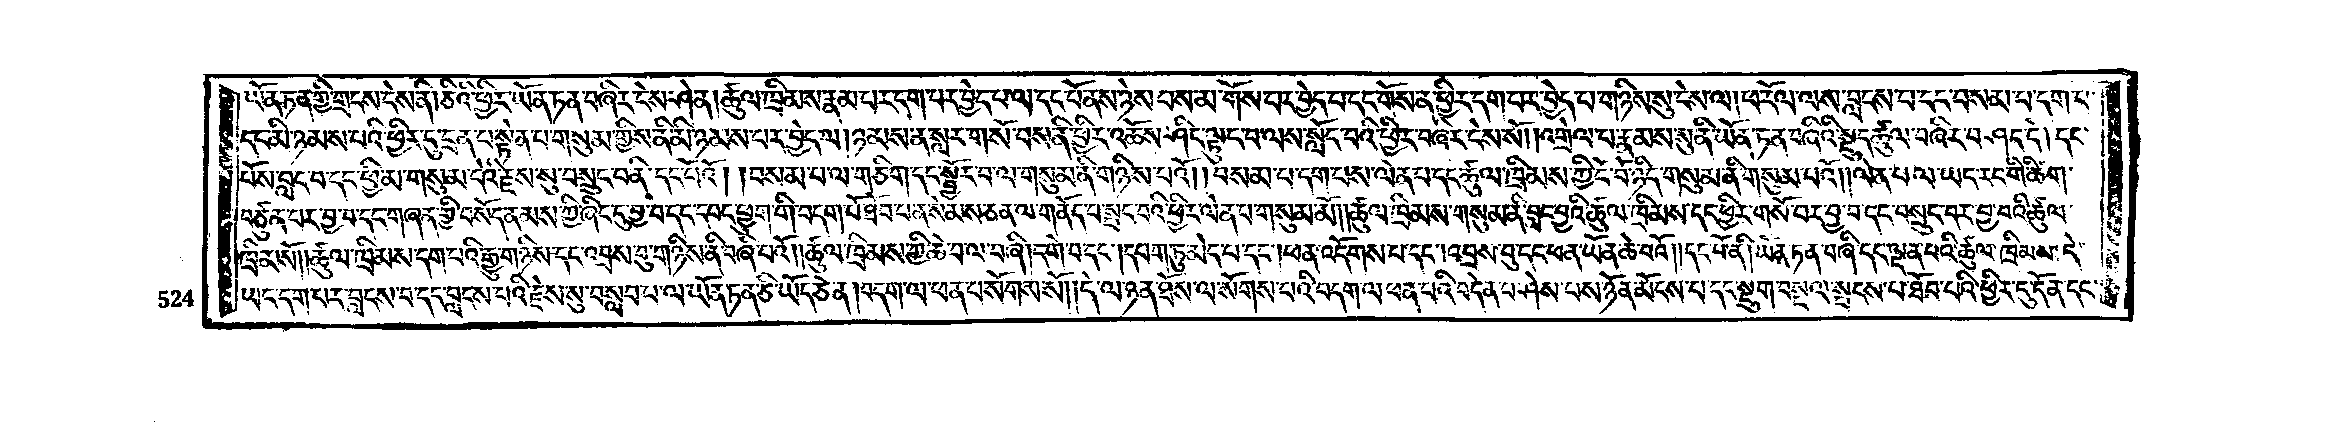ཡོན་ཏན་གྱི་གྲངས་ངེས་ནི། ཅིའི་ཕྱིར་ཡོན་ཏན་བཞིར་ངེས་ཤེ་ན། ཚུལ་ཁྲིམས་རྣམ་པར་དག་པར་བྱེད་པ་ལ་དང་པོ་ནས་ཉེས་བས་མ་གོས་པར་བྱེད་པ་དང་གོས་ན་ཕྱིར་དག་པར་བྱེད་པ་གཉིས་སུ་ངེས་ལ། ཕ་རོལ་ལས་བླངས་པ་དང་བསམ་པ་དག་པ་
དང་མི་ཉམས་པའི་ཕྱིར་དུ་དྲན་པ་སྟེན་པ་གསུམ་གྱིས་ནི་མི་ཉམས་པར་བྱེད་ལ། ཉམས་ན་སླར་གསོ་བས་ནི་ཕྱིར་འཆོས་ཤིང་ལྟུང་བ་ལས་སློང་བའི་ཕྱིར་བཞིར་ངེས་སོ། །འགྲེལ་པ་རྣམས་སུ་ནི་ཡོན་ཏན་བཞིའི་སྡུད་ཚུལ་བཞིར་བཤད་དེ། དང་
པོས་བླང་བ་དང་ཕྱི་མ་གསུམ་དེའི་རྗེས་སུ་བསྲུང་བ་ནི་དང་པོའོ། །བསམ་པ་ལ་གཅིག་དང་སྦྱོར་བ་ལ་གསུམ་ནི་གཉིས་པའོ། །བསམ་པ་དག་པས་ལེན་པ་དང་ཚུལ་ཁྲིམས་ཀྱི་ངོ་བོ་ཉིད་གསུམ་ནི་གསུམ་པའོ། །ལེན་པ་ལ་ཡང་རང་གི་ཚིག་
བཙུན་པར་བྱ་བ་དང་གཞན་གྱི་བསོད་ནམས་ཀྱི་ཞིང་དུ་བྱ་བ་དང་དབང་ཕྱུག་གི་བདག་པོ་ཐོབ་པ་ན་སེམས་ཅན་ལ་གནོད་པ་སྤང་བའི་ཕྱིར་ལེན་པ་གསུམ་མོ། །ཚུལ་ཁྲིམས་གསུམ་ནི་བླང་བྱའི་ཚུལ་ཁྲིམས་དང་ཕྱིར་གསོ་བར་བྱ་བ་དང་བསྲུང་བར་བྱ་བའི་ཚུལ་
ཁྲིམས་སོ། །ཚུལ་ཁྲིམས་དག་པའི་རྒྱུ་གཉིས་དང་འབྲས་བུ་གཉིས་ནི་བཞི་པའོ། །ཚུལ་ཁྲིམས་ཀྱི་ཆེ་བ་ལ་བཞི། དགེ་བ་དང་། དཔག་ཏུ་མེད་པ་དང་། ཕན་འདོགས་པ་དང་། འབྲས་བུ་དང་ཕན་ཡོན་ཆེ་བའོ། །དང་པོ་ནི། ཡོན་ཏན་བཞི་དང་ལྡན་པའི་ཚུལ་ཁྲིམས་དེ་
ཡང་དག་པར་བླངས་པ་དང་བླངས་པའི་རྗེས་སུ་བསླབ་པ་ལ་ཡོན་ཏན་ཅི་ཡོད་ཅེ་ན། བདག་ལ་ཕན་པ་སོགས་སོ། །དེ་ལ་ཉན་ཐོས་ལ་སོགས་པའི་བདག་ལ་ཕན་པའི་བདེན་པ་ཤེས་པས་ཉོན་མོངས་པ་དང་སྡུག་བསྔལ་སྤངས་པ་ཐོབ་པའི་ཕྱིར་དུ་དོན་དང་